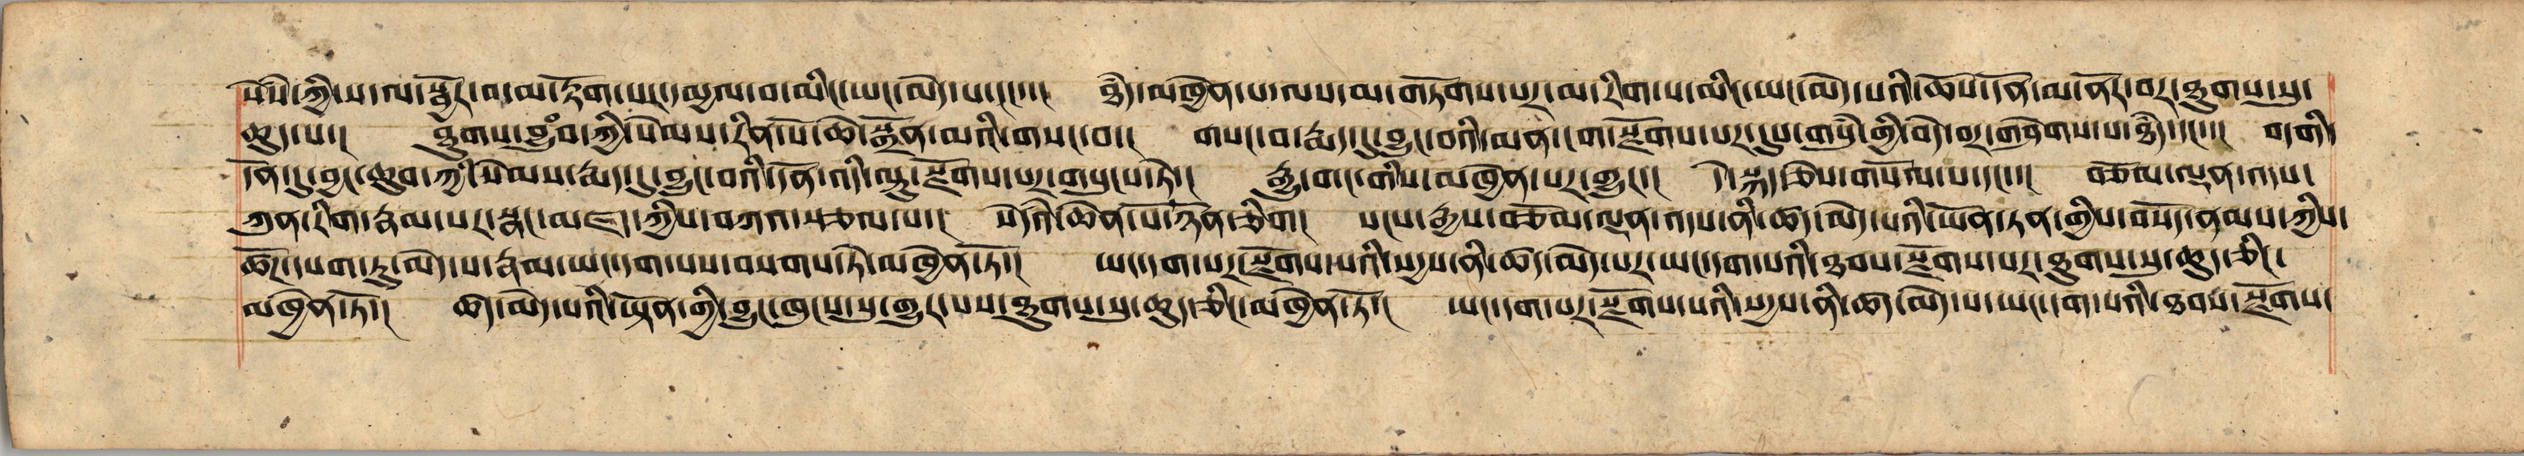སེཾས་ཀྱི་ས་ལ་སྦྱོར་བ་མ་རྟོགས་པར་དམྱལ་བ་མིང་ཡང་མེད་པ་དང་་། ཐཾད་མཁྱེན་པ་ལས་མ་གཏོགས་པར་མ་རིག་པ་མིང་ཡང་མེད་པའི་ཆོས་དོན་མ་ནོར་བར་ཐུགས་སུ་
ཆུད་པ་། ཐུགས་བྱུཾབ་ཀྱི་སེམས་རིན་པོ་ཆེ་སྒྲོན་མའི་གསང་བ་། གསང་བ་རྨད་དུ་་བྱུང་བའི་མན་ངག་སྫོགས་པར་དུས་གསུཾ་གྱྱི་བདེ་བར་གཤེགས་པ་ཐཾད་དང་་། བདགི་
དོན་དུ་བྱང་ཆུབ་ཀྱི་སེམས་རྨད་དུ་བྱུང་བའི་དོན་འདི་ལྟུ་སྫོགས་པར་གསུངས་ཏེ་། རྒྱུ་གང་གིས་མཁྱེན་པར་གྱུར་། དེ་སྐད་ཅེས་གསོལ་པ་དང་་། བཅཽམ་ལྡན་འདས་
ཀུན་རིག་རྣམ་པར་སྣང་མཛད་ཀྱིས་བཀའ་སྩལ་པ་། སེདའཾ་ཆེན་པོ་ཉོན་ཅིག། སངས་རྒྱས་བཅོམ་ལྡན་འདས་ནི་ཚད་མེད་པའི་ཡོན་ཏན་གྱིས་བསོད་ནམས་ཀྱིས་
ཚོཌ་དཔག་ཏུ་མེད་པ་རྣམ་ཡང་དག་པས་བསགས་ཏེ་མཁྱེན་ཏོ་། ཡང་དག་པར་སྫོགས་པའི་སདྱས་ནི་ཚད་མེད་པར་ཡང་དག་པའིཐབས་སྫོགས་པར་ཐུགས་སུ་ཆུད་ཅིང་
མཁྱེན་ཏོ་། ཚད་མེད་པའི་ཡྟོན་གྱི་བྱུང་ཁུངས་སུ་གྱུར་པས་ཐུགས་སུ་ཆུད་ཅིང་མཁྱེན་ཏོ་། ཡང་དག་པར་སྫོགས་པའི་སདྱས་ནི་ཚད་མེད་པ་ཡང་དག་པའི་ཐབས་སྫོགས་